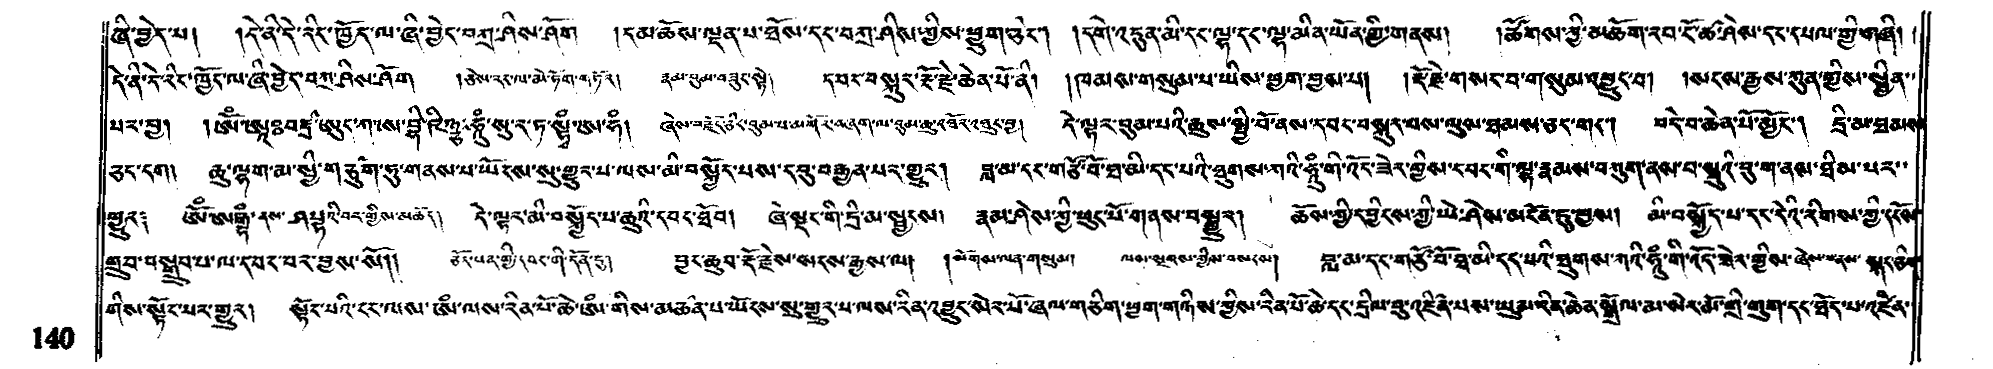ཞི་བྱེད་པ། །དེ་ནི་དེ་རིང་ཁྱོད་ལ་ཞི་བྱེད་བཀྲ་ཤིས་ཤོག །དམ་ཆོས་ལྡན་པ་ཐོས་དང་བཀྲ་ཤིས་ཀྱིས་ཕྱུག་ཅིང་། །དགེ་འདུན་མི་དང་ལྷ་དང་ལྷ་མིན་ཡོན་གྱི་གནས། །ཚོགས་ཀྱི་མཆོག་རབ་ངོ་ཚ་ཤེས་དང་དཔལ་གྱི་གཞི། །
དེ་ནི་དེ་རིང་ཁྱོད་ལ་ཞི་བྱེད་བཀྲ་ཤིས་ཤོག་།ཅེས་རང་ལ་མེ་ཏོག་གཏོར། རྣམ་བུམ་བཟུང་སྟེ།  དབང་བསྐུར་རྡོ་རྗེ་ཆེན་པོ་ནི། །ཁམས་གསུམ་པ་ཡིས་ཕྱག་བྱས་པ། །རྡོ་རྗེ་གསང་བ་གསུམ་འབྱུང་བ། །སངས་རྒྱས་ཀུན་གྱིས་སྦྱིན་
པར་བྱ། །ཨོཾ་ཨཱཿ བཛྲ་ཨུད་ཀ་ཨ་བྷིཥིཉྩ་ཧཱུཾ་སུ་ར་ཏ་སྟྭཾ་ཨ་ཧཾ། ཞེས་བརྗོད་ཅིང་བུམ་པ་མགོར་བཞག་ལ་བུམ་ཆུ་འཐོར་འཐུང་བྱ།  དེ་ལྟར་བུམ་པའི་ཆུས་སྤྱི་བོ་ནས་དབང་བསྐུར་བས་ལུས་ཐམས་ཅད་གང་། བདེ་བ་ཆེན་པོ་མྱོང་། དྲི་མ་ཐམས་
ཅད་དག། ཆུ་ལྷག་མ་སྤྱི་གཙུག་ཏུ་གནས་པ་ཡོངས་སུ་གྱུར་པ་ལས་མི་བསྐྱོད་པས་དབུ་བརྒྱན་པར་གྱུར། བླ་མ་དང་གཙོ་བོ་ཐ་མི་དད་པའི་ཐུགས་ཀའི་ཧཱུཾ་གི་འོད་ཟེར་གྱིས་དབང་གི་ལྷ་རྣམས་བཀུག་ནས་བ་སྤུའི་བུ་ག་ནས་ཐིམ་པར་
གྱུར༑ ཨོཾ་ཨརྒྷཾ་ནས་ཤཔྟའི་བར་གྱིས་མཆོད།  དེ་ལྟར་མི་བསྐྱོད་པ་ཆུའི་དབང་ཐོབ། ཞེ་སྡང་གི་དྲི་མ་སྦྱངས། རྣམ་ཤེས་ཀྱི་ཕུང་པོ་གནས་བསྒྱུར། ཆོས་ཀྱི་དབྱིངས་ཀྱི་ཡེ་ཤེས་མངོན་དུ་བྱས། མི་བསྐྱོད་པ་དང་དེའི་རིགས་ཀྱི་དངོས་
གྲུབ་བསྒྲུབ་པ་ལ་དབང་བར་བྱས་སོ།། ཅོད་པན་གྱི་དབང་གི་དོན་དུ།  བྱང་ཆུབ་རྡོ་རྗེས་སངས་རྒྱས་ལ། །སོགས་ལན་གསུམ། ལས་སྔགས་ཀྱིས་བསངས།  བླ་མ་དང་གཙོ་བོ་ཐ་མི་དད་པའི་ཐུགས་ཀའི་ཧཱུཾ་གི་འོད་ཟེར་གྱིས་ཞེས་པ་ནས་སྐད་ཅིག་
གིས་སྟོང་པར་གྱུར། སྟོང་པའི་ངང་ལས་ཨཾ་ལས་རིན་པོ་ཆེ་ཨཾ་གིས་མཚན་པོ་ཡོངས་སུ་གྱུར་པ་ལས་རིན་འབྱུང་སེར་པོ་ཞལ་གཅིག་ཕྱག་གཉིས་ཀྱིས་རིན་པོ་ཆེ་དང་དྲིལ་བུ་འཛིན་པས་ཡུམ་རིན་ཆེན་སྒྲོལ་མ་སེར་མོ་གྲི་གུག་དང་ཐོད་པ་འཛིན་